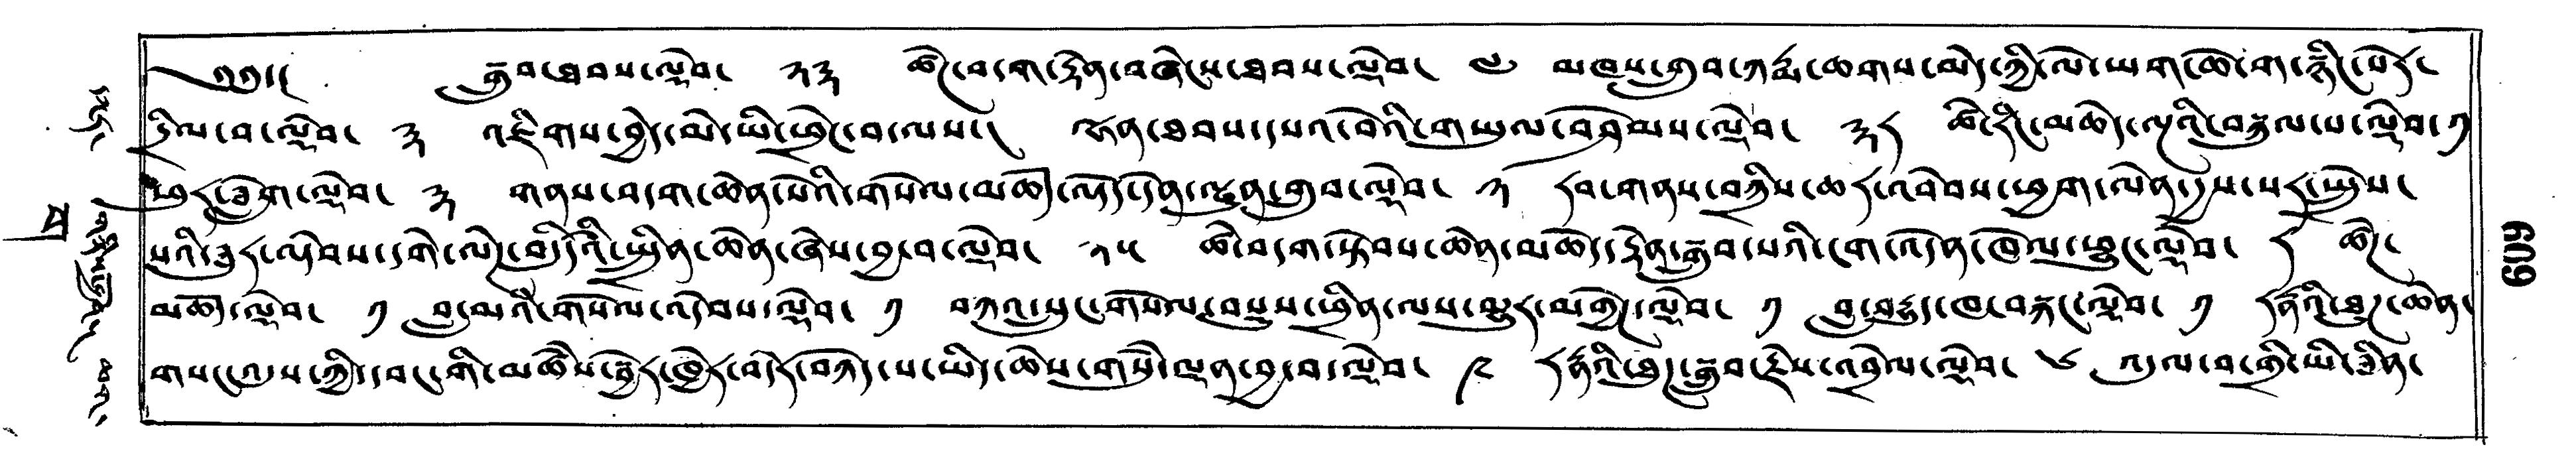སྒྲུབ་ཐབས་ལྡེབ། ཚོགས་བདག་རྟེན་བཞེངས་ཐབས་ལྡེབ། མཁས་གྲུབ་ཀརྨ་ཆགས་མེད་ཀྱི་ལོ་ཡག་ཆོ་ག་སྙིང་པོར་
དྲིལ་བ་ལྡེབ། འཇིགས་བྱེད་མེ་ཡི་ཕྲེང་བ་ལས། ལྷན་ཐབས་དཔའ་བོའི་གཡུལ་བཤོམས་ལྡེབ། ཚེ་རིང་མཆེད་ལྔའི་བསྐུལ་པ་ལྡེབ། 
ཕུར་ཟློག་ལྡེབ། གནས་བདག་ཆེན་པོའི་གསོལ་མཆོད་འདོད་དོན་ལྷུན་གྲུབ་ལྡེབ། རབ་གནས་བཀྲ་ཤིས་ཆར་འབེབས་ཕྱག་ལེན་རྒྱས་པར་སྤྲོས་
པའི་ཟུར་འདེབས་དགེ་ལེགས་བདུད་རྩིའི་སྤྲིན་ཆེན་ཞེས་བྱ་བ་ལྡེབ། ཚེ་བདག་སྟོབས་ཆེན་མཆོད་རྟེན་སྒྲུབ་པའི་ངག་འདོན་ཁོལ་ཕྱུང་ལྡེབ། ཚོགས་
མཆོད་ལྡེབ། བླ་མའི་གསོལ་འདེབས་ལྡེབ། བཀའ་སྲུང་གསོལ་བསྡུས་ཕྲིན་ལས་མྱུར་མགྱོགས་ལྡེབ། བླ་བརྒྱུད་ཁ་བསྐང་ལྡེབ། རཏྣའི་ཐུགས་ཆེན་
གསང་འདུས་ཀྱི་དབང་གི་མཚམས་སྦྱོར་ཁྱེར་བདེར་བཀོད་པ་ཡིད་ཆེས་གསུམ་ལྡན་བྱ་བ་ལྡེབ། རཏྣའི་ཐུགས་སྒྲུབ་རྗེས་འབྲེལ་ལྡེབ། འདུལ་བ་གྲི་ཡི་ཟིན་